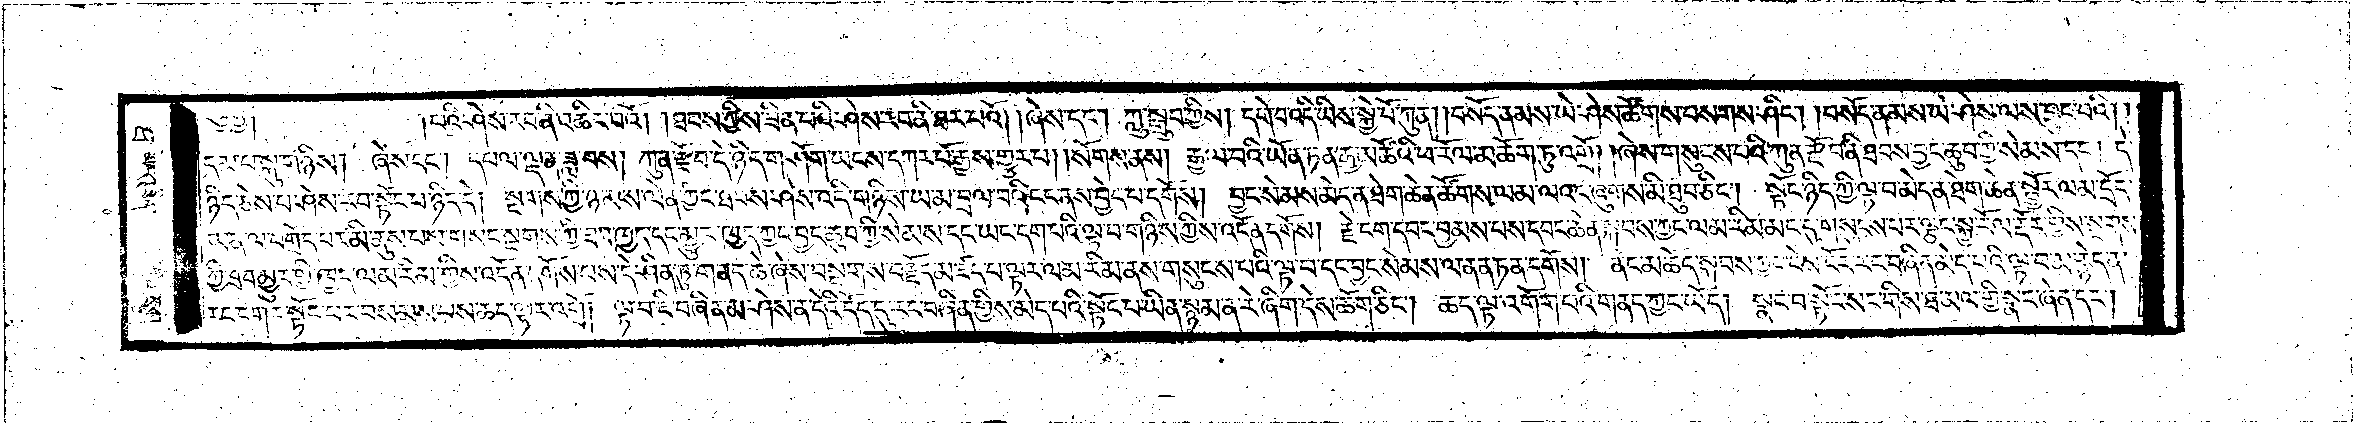༄༅། །པའི་ཤེས་རབ་ནི་འཆིང་བའོ། །ཐབས་ཀྱིས་ཟིན་པའི་ཤེས་རབ་ནི་ཐར་པའོ། །ཞེས་དང་། ཀླུ་སྒྲུབ་ཀྱིས། དགེ་བ་འདི་ཡིས་སྐྱེ་བོ་ཀུན། །བསོད་ནམས་ཡེ་ཤེས་ཚོགས་བསགས་ཤིང་། །བསོད་ནམས་ཡེ་ཤེས་ལས་བྱུང་བའི། །
དམ་པ་སྐུ་གཉིས། ཞེས་དང་། དཔལ་ལྡན་ཟླ་བས། ཀུན་རྫོབ་དེ་ཉིད་གཤོག་ཡངས་དཀར་པོ་རྒྱས་གྱུར་པ། །སོགས་ནས། རྒྱལ་བའི་ཡོན་ཏན་རྒྱ་མཚོའི་ཕ་རོལ་མཆོག་ཏུ་འགྲོ། །ཞེས་གསུངས་པའི་ཀུན་རྫོབ་ནི་ཐབས་བྱང་ཆུབ་ཀྱི་སེམས་དང་། དེ་
ཉིད་ཅེས་པ་ཤེས་རབ་སྟོང་པ་ཉིད་དེ། སྔགས་ཀྱི་ཉམས་ལེན་ཀྱང་ཐབས་ཤེས་འདི་གཉིས་ཡ་མ་བྲལ་བའི་ངང་ནས་བྱེད་པ་དགོས། །བྱང་སེམས་མེད་ན་ཐེག་ཆེན་ཚོགས་ལམ་ལའང་ཞུགས་མི་ཐུབ་ཅིང་། སྟོང་ཉིད་ཀྱི་ལྟ་བ་མེད་ན་ཐེག་ཆེན་སྦྱོར་ལམ་དྲོད་
ཡན་ལ་བགྲོད་པར་མི་ནུས་པས་གསང་སྔགས་ཀྱི་ཟབ་ཁྱད་དང་མྱུར་ཁྱད་ཀྱང་བྱང་ཆུབ་ཀྱི་སེམས་དང་ཡང་དག་པའི་ལྟ་བ་གཉིས་ཀྱིས་འདོན་དགོས། རྗེ་ངག་དབང་བྱམས་པས་དབང་ཚེན་སྐབས་ཀྱང་ལམ་རིམ་མང་དུ་གསུངས་པར་ལྕང་སྐྱ་རོལ་རྡོར་གྱིས་སྔགས་
ཀྱི་ཟབ་མྱུར་གྱི་ཁྱད་ལམ་རིམ་གྱིས་འདོན་དགོས་པས་དེ་ཤིན་ཏུ་གནད་ཆེ་ཞེས་བསྔགས་བརྗོད་མཛད་པ་ལྟར་ལམ་རིམ་ནས་གསུངས་པའི་ལྟ་བ་དང་བྱང་སེམས་ལ་ནན་ཏན་དགོས། ནང་མཆོད་སྐབས་ཀྱང་དེས་ངོར་རང་བཞིན་མེད་པའི་ལྟ་བ་མ་རྙེད་ན་
རང་དགར་སྟོང་པར་བསམས་པས་ཆད་ལྟར་འགྲོ། ལྟ་བ་ཇི་བཞིན་མ་ཤེས་ན་དེའི་དོད་དུ་རང་བཞིན་གྱིས་མེད་པའི་སྟོང་པ་ཡིན་སྙམ་ན་རེ་ཞིག་དེས་ཆོག་ཅིང་། ཆད་ལྟ་འགོག་པའི་གནད་ཀྱང་ཡོད། སྣང་བ་སྟོང་སང་གིས་ཐ་མལ་གྱི་སྣང་ཞེན་དང་།